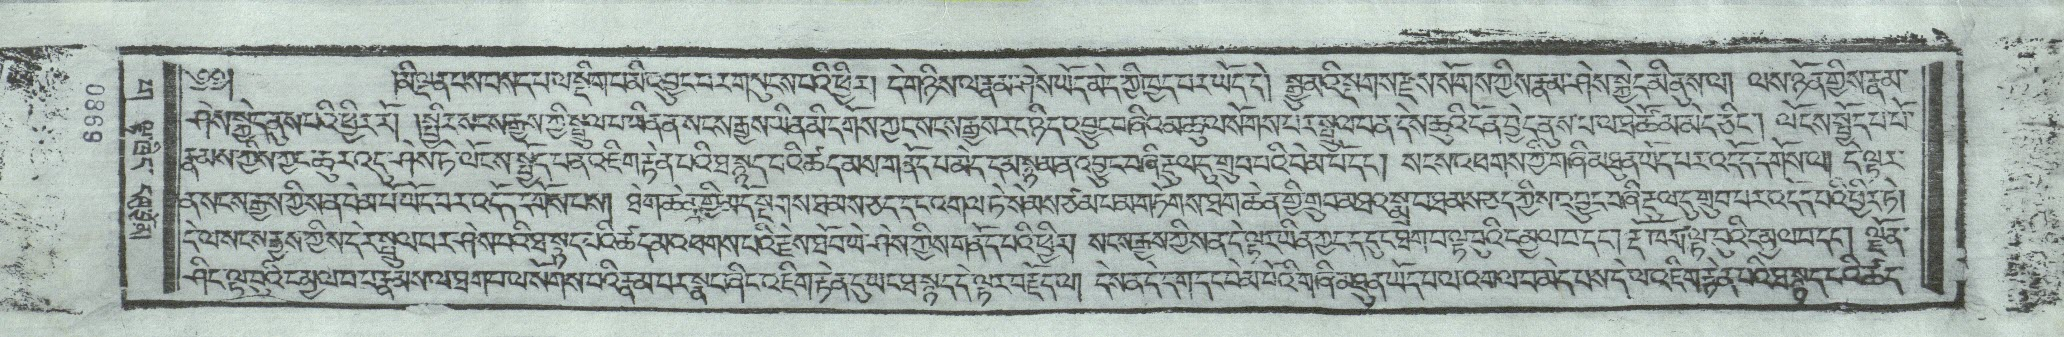༄༅། །མི་ལྡན་པས་བསད་པ་ལ་སྡིག་པ་མི་འབྱུང་བར་གསུངས་པའི་ཕྱིར། དེ་གཉིས་ལ་རྣམ་ཤེས་ཡོད་མེད་ཀྱི་ཁྱད་པར་ཡོད་དེ། སྒྱུ་མའི་སྔགས་རྫས་སོགས་ཀྱིས་རྣམ་ཤེས་སྐྱེད་མི་ནུས་ལ། ལས་ཉོན་གྱིས་རྣམ་
ཤེས་སྐྱེད་ནུས་པའི་ཕྱིར་རོ། །སྤྱིར་སངས་རྒྱས་ཀྱི་སྤྲུལ་པ་ཡིན་ན་སངས་རྒྱས་ཡིན་མི་དགོས་ཀྱང་སངས་རྒྱས་རང་ཉིད་འབྱུང་བཞིའམ་ཆུ་ལ་སོགས་པར་སྤྲུལ་བ་ན་དེས་ཆུའི་དོན་བྱེད་ནུས་པ་ལ་ཐེ་ཚོམ་མེད་ཅིང་། ལོངས་སྤྱོད་པ་པོ་
རྣམས་ཀྱིས་ཀྱང་ཆུར་འདུ་ཤེས་ཏེ་ལོངས་སྤྱོད་པ་ན་འཇིག་རྟེན་པའི་ཐ་སྙད་པའི་ཚད་མས་གནོད་པ་མེད་དམ་སྙམ་ན་འབྱུང་བཞི་རྡུལ་དུ་གྲུབ་པའི་བེམ་པོ་དང་། སངས་འཕགས་ཀྱི་གཞི་མཐུན་ཡོད་པར་འདོད་དགོས་ལ། དེ་ལྟར་
ན་སངས་རྒྱས་ཀྱི་ས་ན་བེམ་པོ་ཡོད་པར་འདོད་དགོས་པས། ཐེག་ཆེན་གྱི་མདོ་སྔགས་ཐམས་ཅད་དང་འགལ་ཏེ་སེམས་ཙམ་པ་མ་གཏོགས་ཐེག་ཆེན་གྱི་གྲུབ་མཐའ་སྨྲ་བ་ཐམས་ཅད་ཀྱིས་འབྱུང་བཞི་རྡུལ་དུ་གྲུབ་པར་འདོད་པའི་ཕྱིར་ཏེ།
དེ་ལ་སངས་རྒྱས་ཀྱིས་དེར་སྤྲུལ་པར་ཤེས་པའི་ཐ་སྙད་པའི་ཚད་མ་འཕགས་པའི་རྗེས་ཐོབ་ཡེ་ཤེས་ཀྱིས་གནོད་པའི་ཕྱིར། སངས་རྒྱས་ཀྱིས་ན་དེ་ལྟར་ཡིན་ཀྱང་ད་དུང་ཐེག་པ་ལྟ་བུའི་དམྱལ་བ་དང་། རྡོ་ཁག་ལྟ་བུའི་དམྱལ་བ་དང་། ལྗོན་
ཤིང་ལྟ་བུའི་དམྱལ་བ་པ་རྣམས་ལ་ཐག་པ་ལ་སོགས་པའི་རྣམ་པར་སྣང་ཞིང་འཇིག་རྟེན་དུ་ཡང་ཐ་སྙད་དེ་ལྟར་བརྗོད་ལ། དེས་ན་དེ་དག་དང་བེམ་པོའི་གཞི་མཐུན་ཡོད་པ་ལ་འགལ་བ་མེད་པས་དེ་ལ་འཇིག་རྟེན་པའི་ཐ་སྙད་པའི་ཚད་